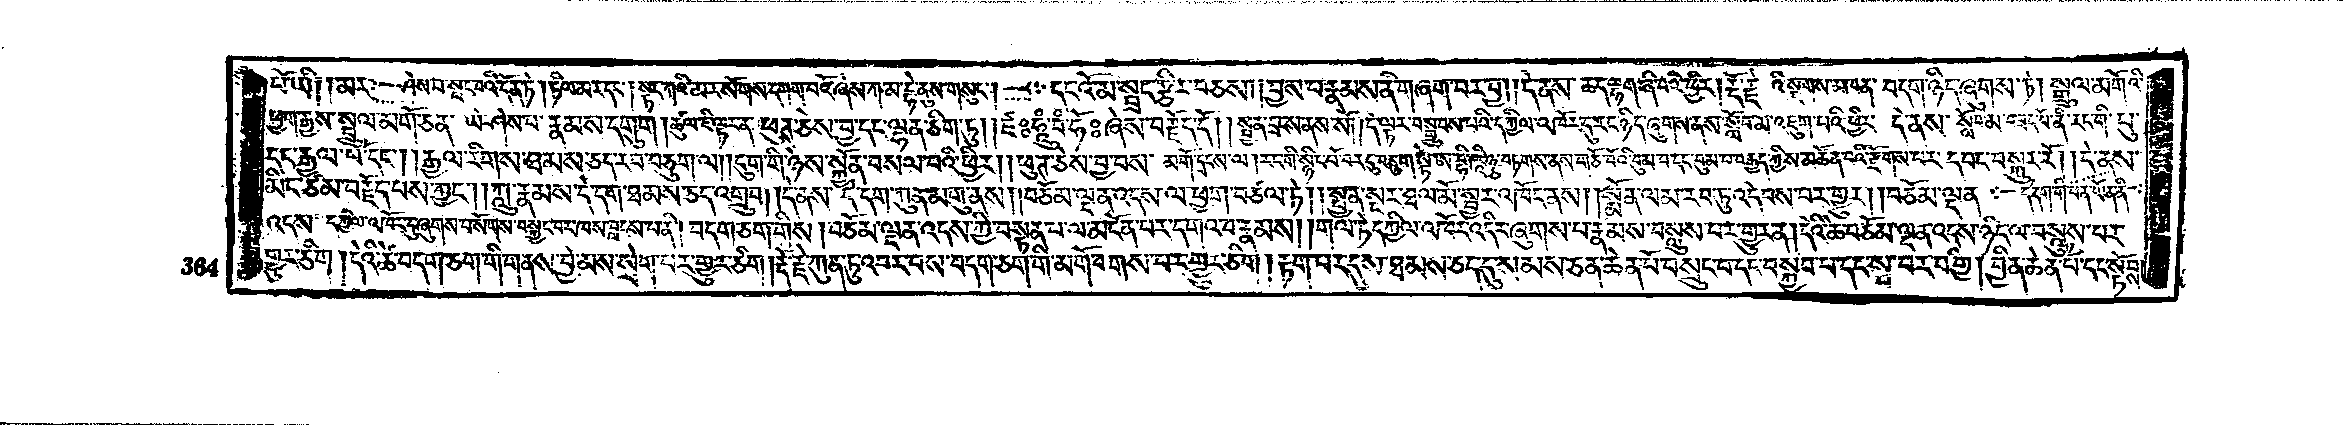པོ་ཡི། །མར་H.་ཤེས་པ་སྤང་བའི་དོན་ཏེ། ཏིལ་མར་དང་། སྟར་གའི་མར་སོགས་དགག་པའོ་ཞེས་ཀ་མ་དྷེ་ནུས་གསུང་།  .H དང་འོ་མ་སྦྲང་རྩིར་བཅས། །བྱས་པ་རྣམས་ན་གཞག་པར་བྱ། །དེ་ནས་ཆད་ལྷག་ཞི་བའི་ཕྱིར།  རྡོ་རྗེའི་་སྔགས་མཁན་བདག་ཉིད་ཞུགས་ཏེ། སྒྲུལ་མགོའི་
ཕྱག་རྒྱས་སྦྲུལ་མགོ་ཅན་ཡེ་ཤེས་པ་རྣམས་དགུག ། ཚུལ་ཇི་ལྟར་ན་ཕུཊ་ཅེས་བྱ་དང་ལྷན་ཅིག་ཏུ། །ཛཿ ཧཱུཾ་བཾ་ཧོཿ ཞེས་བརྗོད་དོ། ། སྤྱན་དྲངས་ནས་སོ། །དེ་ལྟར་བསྒྲུབས་པའི་དཀྱིལ་འཁོར་དུ་རང་ཉིད་ཞུགས་ནས་སློབ་མ་འཇུག་པའི་ཕྱིར་དེ་ནས་སློབ་མ་བཟང་པོ་ནི་རང་གི་པུ་
དང་རྒྱལ་པོ་དང་། །རྒྱལ་རིགས་ཐམས་ཅད་རབ་བཅུག་ལ། །དུག་གི་ཉེས་སྐྱོན་བསལ་བའི་ཕྱིར། །ཕུཊ་ཅེས་བྱ་བས་མགོ་དྲངས་ལ། རང་གི་སྙིང་པོ་བར་དུ་བཅུག་སྟེ་ཨ་བྷི་ཥཱི་ཉྩ་བཏགས་ནས་གཙོ་བོའི་བུམ་པ་དང་བུམ་པ་བརྒྱད་ཀྱིས་བྪོན་པའི་རྫོགས་པར་དབང་བསྐུར་རོ། །དེ་ནས་
མིང་ཙམ་བརྗོད་པས་ཀྱང་། །ཀླུ་རྣམས་དེ་དག་ཐམས་ཅད་འགྲུབ། །དེ་ནས་དེ་དག་ཀུན་མགུ་ནས། །བཅོམ་ལྡན་འདས་ལ་ཕྱག་བཙལ་ཏེ། །སྤྱན་སྔར་ཐལ་མོ་སྦྱར་འཁོད་ནས། །སྨོན་ལམ་རབ་ཏུ་འདེབས་པར་གྱུར། །བཅོམ་ལྡན་H.་དེ་དག་གི་ཕན་ཡོན་ནིH
འདས་དཀྱིལ་འཁོར་དུ་ཞུགས་པ་སོགས་བསྐྱང་བར་ཁས་བླངས་པ་ནི། བདག་ཅག་གིས། བཅོམ་ལྡན་འདས་ཀྱི་བསྟན་པ་ལ་མངོན་པར་དགའ་བ་རྣམས། །གལ་ཏེ་དཀྱིལ་འཁོར་འདིར་ཞུགས་པ་རྣམས་བསླུས་པར་གྱུར་ན། དེའི་ཚེ་བཅོམ་ལྡན་འདས་ཉིད་ལ་བསླུས་པར་
གྱུར་ཅིག །དེའི་ཚེ་བདག་ཅག་གི་གནས་བྱེ་མས་སྲོག་པར་གྱུར་ཅིག །རྡོ་རྗེ་ཀུན་ཏུ་འབར་བས་བདག་ཅག་གི་མགོ་བགོས་པར་གྱུར་ཅིག། རྟག་པར་དུས་ཐམས་ཅད་དུ་སེམས་ཅན་ཆེན་པོ་བསྲུང་བ་དང་བསྐྱབ་པ་དང་སྦ་བར་བགྱི། བྱིན་ཆེན་པོ་དང་སྟོབས་